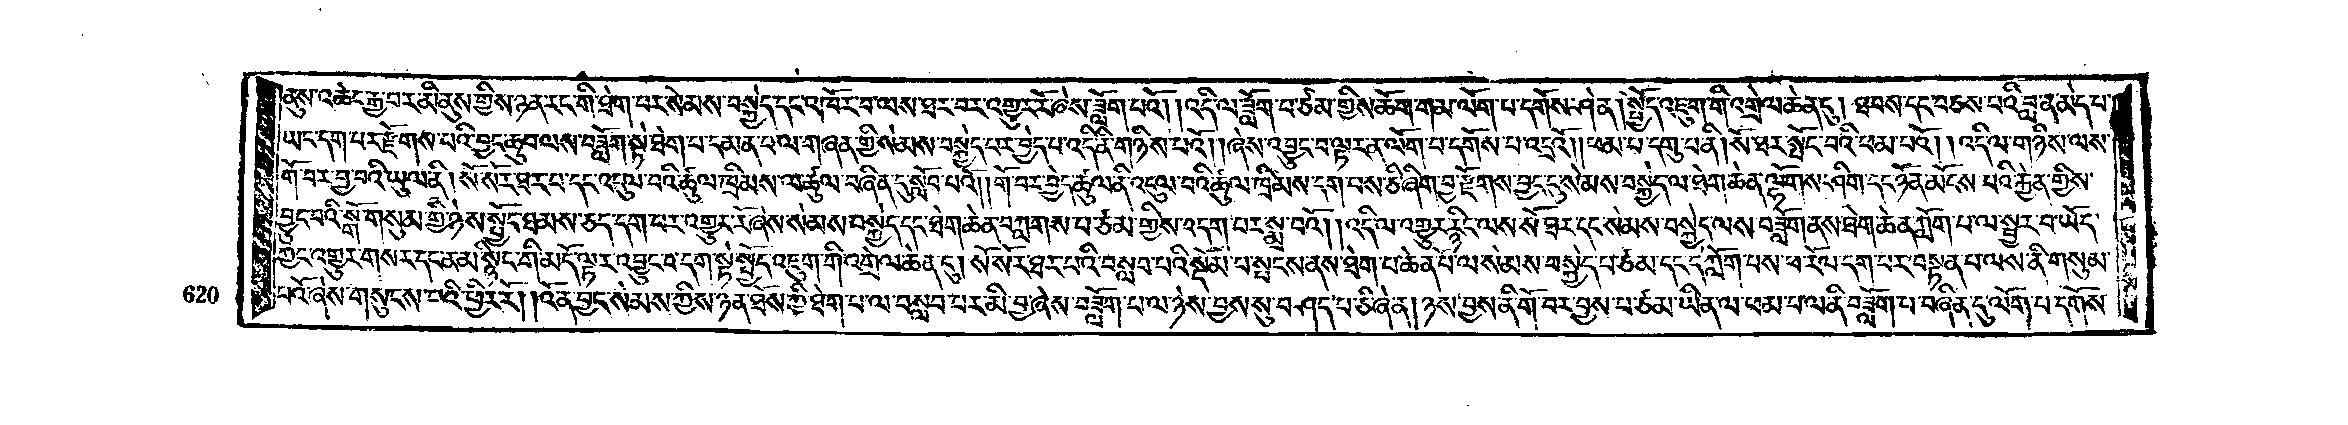ནུས་འཚང་རྒྱ་བར་མི་ནུས་གྱིས་ཉན་རང་གི་ཐེག་པར་སེམས་བསྐྱེད་དང་འཁོར་བ་ལས་ཐར་བར་འགྱུར་རོ་ཞེས་ཟློག་པའོ། །འདི་ལ་ཟློག་པ་ཙམ་གྱིས་ཆོག་གམ་ལོག་པ་དགོས་ཤེ་ན། སྤྱོད་འཇུག་གི་འགྲེལ་ཆེན་དུ། ཐབས་དང་བཅས་པའི་བླ་ན་མེད་པ་
ཡང་དག་པར་རྫོགས་པའི་བྱང་ཆུབ་ལས་བཟློག་སྟེ་ཐེག་པ་དམན་པ་ལ་གཞན་གྱི་སེམས་བསྐྱེད་པར་བྱེད་པ་འདི་ནི་གཉིས་པའོ། །ཞེས་འབྱུང་བ་ལྟར་ན་ལོག་པ་དགོས་པ་འདྲའོ། །ཕམ་པ་དགུ་པ་ནི། སོ་ཐར་སྤོང་བའི་ཕམ་པའོ། །འདི་ལ་གཉིས་ལས་
གོ་བར་བྱ་བའི་ཡུལ་ནི། སོ་སོར་ཐར་པ་དང་འདུལ་བའི་ཚུལ་ཁྲིམས་ལ་ཚུལ་བཞིན་དུ་སློབ་པའོ། །གོ་བར་བྱེད་ཚུལ་ནི་འདུལ་བའི་ཚུལ་ཁྲིམས་དག་པས་ཅི་ཞིག་བྱ་རྫོགས་བྱད་དུ་སེམས་བསྐྱེད་ལ་ཐེག་ཆེན་ལྷོགས་ཤིག་དང་ཉོན་མོངས་པའི་རྐྱེན་གྱིས་
བྱུང་བའི་སྒོ་གསུམ་གྱི་ཉེས་སྤྱོད་ཐམས་ཅད་དག་པར་འགྱུར་རོ་ཞེས་སེམས་བསྐྱེད་དང་ཐེག་ཆེན་བཀླགས་པ་ཙམ་གྱིས་འདག་པར་སྨྲ་བའོ། །འདི་ལ་འགྱུར་རྙིང་ལས་སོ་ཐར་དང་སེམས་བསྐྱེད་ལས་བཟློག་ནས་ཐེག་ཆེན་ཀློག་པ་ལ་སྦྱར་བ་ཡོད་
ཀྱང་འགྱུར་གསར་དང་ནམ་སྙིང་གི་མདོ་ལྟར་འབྱུང་བ་དག་སྟེ་སྤྱོད་འཇུག་གི་འགྲེལ་ཆེན་དུ། སོ་སོར་ཐར་པའི་བསླབ་པའི་སྡོམ་པ་སྤངས་ནས་ཐེག་པ་ཆེན་པོ་ལ་སེམས་བསྐྱེད་པ་ཙམ་དང་དེ་ཀློག་པས་ཕ་རོལ་དག་པར་བསྟན་པ་ལས་ནི་གསུམ་
པའོ་ཞེས་གསུངས་པའི་ཕྱིར་རོ། །འོ་ན་བྱང་སེམས་ཀྱིས་ཉན་ཐོས་ཀྱི་ཐེག་པ་ལ་བསླབ་པར་མི་བྱ་ཞེས་བཟློག་པ་ལ་ཉེས་བྱས་སུ་བཤད་པ་ཅི་ཞེ་ན། ཉེས་བྱས་ནི་གོ་བར་བྱས་པ་ཙམ་ཡིན་ལ་ཕམ་པ་ལ་ནི་བཟློག་པ་བཞིན་དུ་ལོག་པ་དགོས་